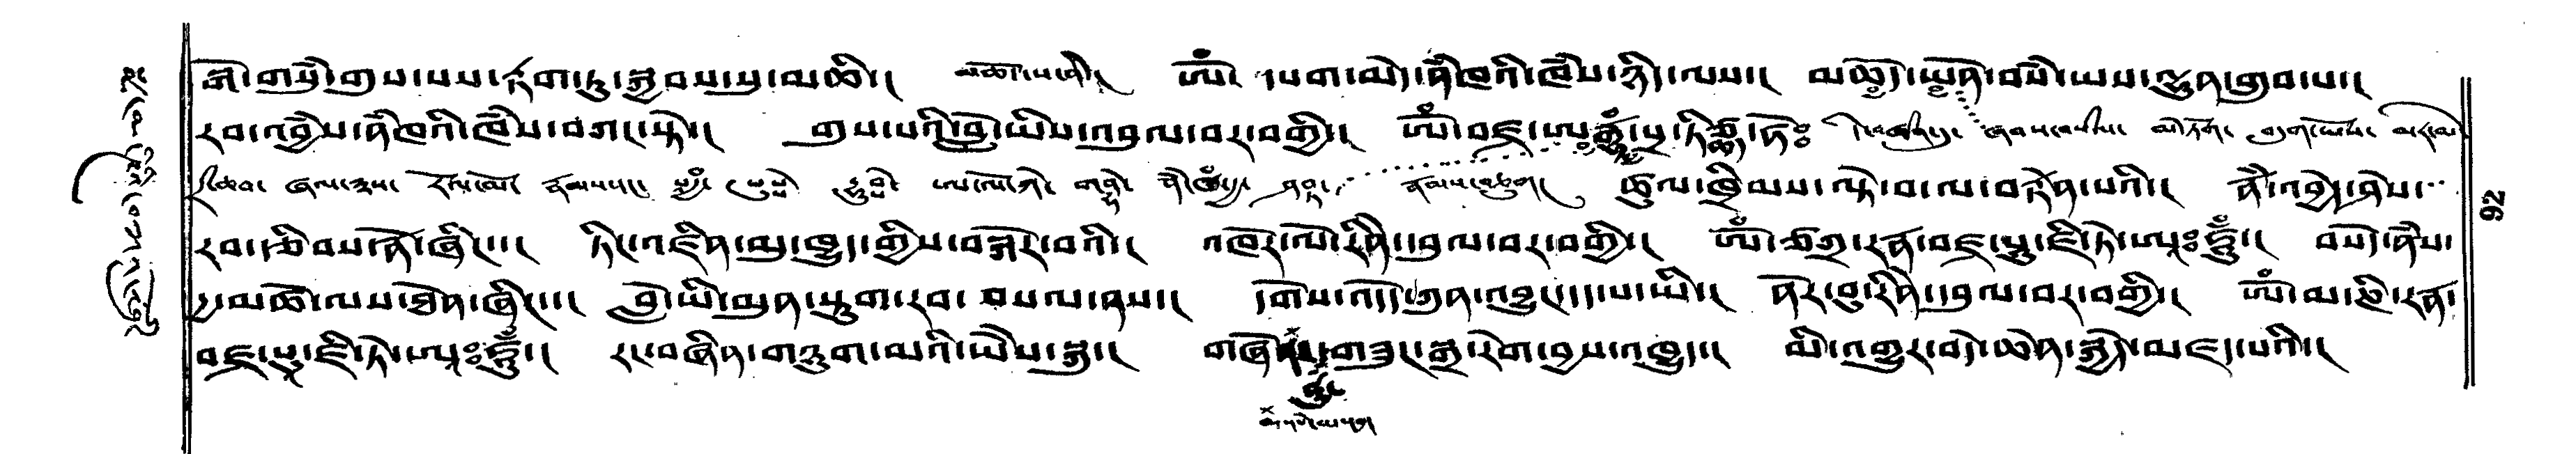།སྒོ་གསུམ་གུས་པས་རྟག་ཏུ་སྐྱབས་སུ་མཆི། མཆོད་པ་ནི། ཨོཾ། དཔག་མེད་ནམ་མཁའི་ཁམས་ཉིད་ལས། །མཆོད་ཡོན་བསམ་ཡས་ལྷུན་གྲུབ་པ། །
རབ་འབྱམས་ནམ་མཁའི་ཁམས་བཀང་སྟེ། །གུས་པའི་བློ་ཡིས་དབུལ་བར་བགྱི། ཨོཾ་བཛྲ་ཨརྒྷཾ་པྲ་ཏིཙྪ་ཧོ། དེ་བཞིན་དུ་ཞབས་བསིལ། མེ་ཏོག བདུག་སྤོས། མར་མེ། 
དྲི་ཆབ། ཞལ་ཟས། རོལ་མོ། རྣམས་དང་། པཱདྱཾ། པུཥྤེ། དྷུ་པཻ། ཨ་ལོ་ཀེ གནྡྷེ། ནཻ་ཝི་དྱ། ཤབྟ། རྣམས་བཅུག ཚུལ་ཁྲིམས་ལྟེ་བ་ལ་བརྟེན་པའི། །རྣམ་འབྱེད་ཤེས་
རབ་རྩིབས་རྣོ་ཞིང་། །ཏིང་འཛིན་མུ་ཁྱུད་ཀྱིས་བསྐོར་བའི། །འཁོར་ལོ་རིན་ཆེན་དབུལ་བར་བགྱི །ཨོཾ་ཙཀྲ་རཏྣ་བཛྲ་པཱུ་ཛི་ཏེ་ཨཱཿཧཱུྃ། བསོད་ནམས་
རྒྱ་མཚོ་ལས་ཐོན་ཞིང་། །བློ་ཡི་མུན་སྟུག་རབ་བསལ་ནས། །དགོས་འདོད་ཀུན་འབྱུང་དད་པ་ཡི། །ནོར་བུ་རིན་ཆེན་དབུལ་བར་བགྱི། ཨོཾ་མ་ཎི་རཏྣ་
བཛྲ་པཱུ་ཛི་ཏེ་ཨཱཿཧཱུྃ། རང་བཞིན་གཉུག་མའི་ཡེ་ཤེས་སྐུ། །གཞོན་ནུ་གཟུགས་སྒྲ་རེག་བྱས་འཁྱུད། །མི་འགྱུར་བདེ་ཆེན་སྐྱེད་མཛད་པའི།